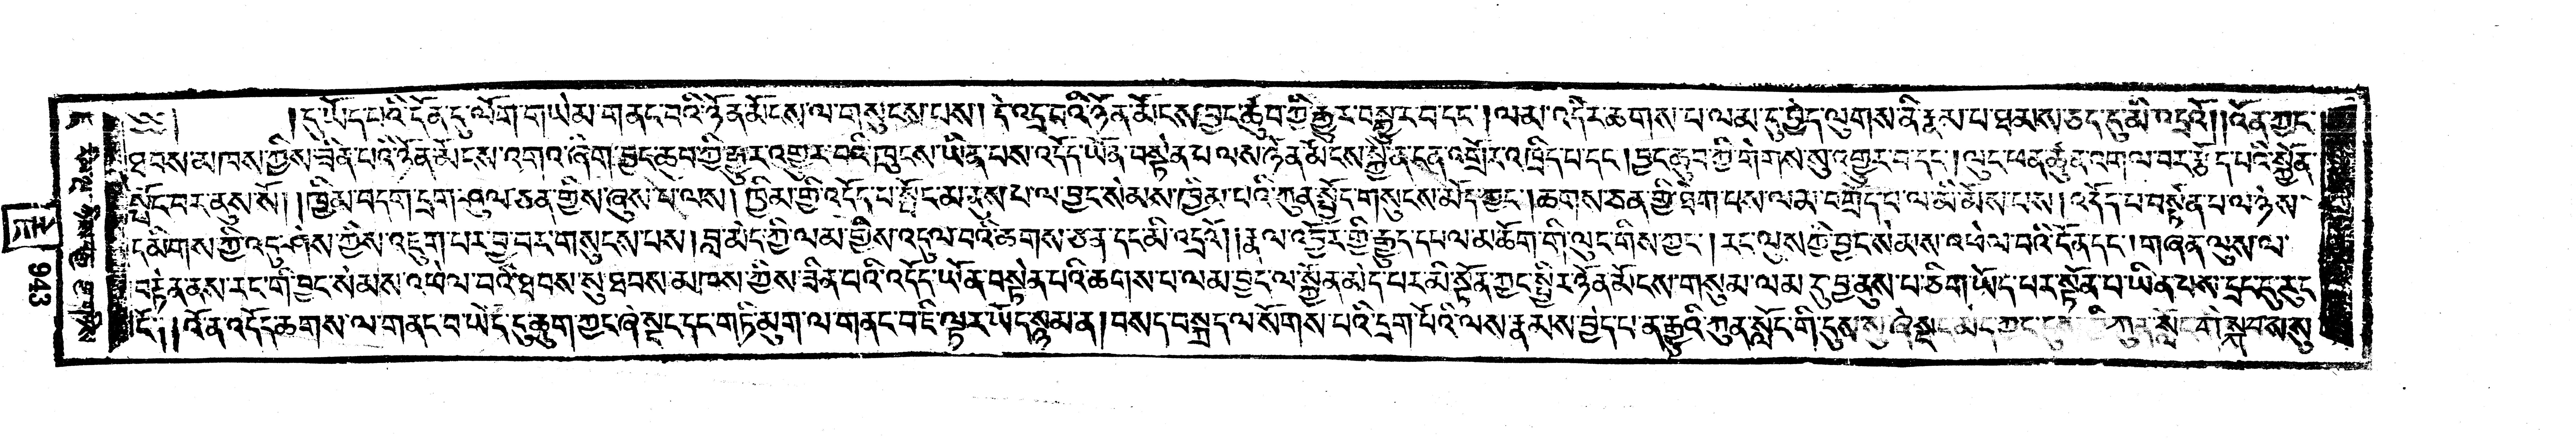༄༅། །དུ་ཡོད་པའི་དོན་དུ་ལོག་གཡེམ་གནང་བའི་ཉོན་མོངས་ལ་གསུངས་པས། དེ་འདྲ་བའི་ཉོན་མོངས་བྱང་ཆུབ་ཀྱི་རྒྱུར་བསྒྱུར་བ་དང་། ལམ་འདིར་ཆགས་པ་ལམ་དུ་བྱེད་ལུགས་ནི་རྣམ་པ་ཐམས་ཅད་དུ་མི་འདྲའོ། །འོན་ཀྱང་
ཐབས་མཁས་ཀྱིས་ཟིན་པའི་ཉོན་མོངས་འགའ་ཞིག་བྱང་ཆུབ་ཀྱི་རྒྱུར་འགྱུར་བའི་ཁུངས་ཡིན་པས་འདོད་ཡོན་བསྟེན་པ་ལས་ཉོན་མོངས་སྐྱེ་ན་ངན་འགྲོར་འཁྲིད་པ་དང་། བྱང་ཆུབ་ཀྱི་གེགས་སུ་འགྱུར་བ་དང་། ལུང་ཕན་ཚུན་འགལ་བར་རྩོད་པའི་སྐྱོན་
སྤོང་བར་ནུས་སོ། །ཁྱིམ་བདག་དྲག་ཤུལ་ཅན་གྱིས་ཞུས་པ་ལས། ཁྱིམ་གྱི་འདོད་པ་སྤོང་མ་ནུས་པ་ལ་བྱང་སེམས་ཁྱིམ་པའི་ཀུན་སྤྱོད་གསུངས་མོད་ཀྱང་། ཆགས་ཅན་གྱི་ཐེག་པས་ལམ་བགྲོད་པ་ལ་མི་མོས་པས། འདོད་པ་བསྟེན་པ་ལ་ཉེས་
དམིགས་ཀྱི་འདུ་ཤེས་ཀྱིས་འཇུག་པར་བྱ་བར་གསུངས་པས། བླ་མེད་ཀྱི་ལམ་གྱིས་འདུལ་བའི་ཆགས་ཅན་དང་མི་འདྲའོ། །རྣལ་འབྱོར་གྱི་རྒྱུད་དཔལ་མཆོག་གི་ལུང་གིས་ཀྱང་། རང་ལུས་ཀྱི་བྱང་སེམས་འཕེལ་བའི་དོན་དང་། གཞན་ལུས་ལ་
བརྟེན་ནས་རང་གི་བྱང་སེམས་འཕེལ་བའི་ཐབས་སུ་ཐབས་མཁས་ཀྱིས་ཟིན་པའི་འདོད་ཡོན་བསྟེན་པའི་ཆགས་པ་ལམ་བྱེད་ལ་སྐྱོན་མེད་པར་མི་སྟོན་ཀྱང་སྤྱིར་ཉོན་མོངས་གསུམ་ལམ་དུ་བྱ་ནུས་པ་ཅིག་ཡོད་པར་སྟོན་པ་ཡིན་པས་དྲང་དུ་རུང་
ངོ། །འོ་ན་འདོད་ཆགས་ལ་གནང་བ་ཡོད་དུ་ཆུག་ཀྱང་ཞེ་སྡང་དང་གཏི་མུག་ལ་གནང་བ་ཇི་ལྟར་ཡོད་སྙམ་ན། བསད་བསྐྲད་ལ་སོགས་པའི་དྲག་པོའི་ལས་རྣམས་བྱེད་པ་ན་རྒྱུའི་ཀུན་སློང་གི་དུས་སུ་ཞེ་སྡང་མེད་ཀྱང་དུས་ཀྱི་ཀུན་སློང་གི་སྐབས་སུ་